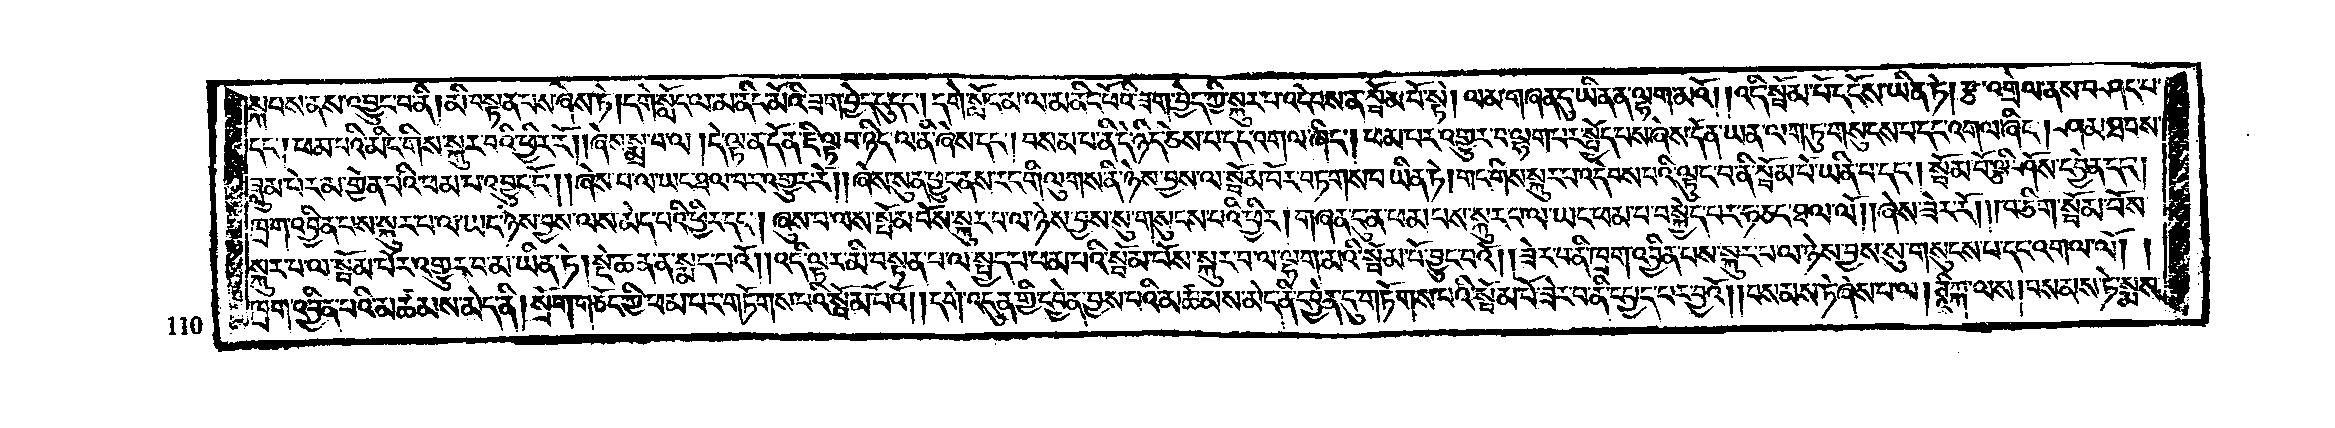སྐབས་ནས་འབྱུང་བ་ནི། མི་བསྟན་པས་ཞེས་ཏེ། དགེ་སློང་ལ་མ་ནིང་མོའི་ཟག་བྱེད་དུ་དང་། དགེ་སློང་མ་ལ་མ་ནིང་ཕོའི་ཟག་བྱེད་ཀྱི་སྐུར་པ་འདེབས་ན་སྦོམ་པོ་སྟེ། ལམ་གཞན་དུ་ཡིན་ན་ལྷག་མའོ། །འདི་སྦོམ་པོ་དངོས་ཡིན་ཏེ། རྩ་འགྲེལ་ནས་བཤད་པ་
དང་། ཕམ་པའི་མིང་གིས་སྐུར་བའི་ཕྱིར་རོ། །ཞེས་སྨྲ་བ་ལ། དེ་ལྟ་ན་དོན་ཇི་ལྟ་བ་ཉིད་ལ་ནི་ཞེས་དང་། བསམ་པ་ནི་དེ་ཉིད་ཅེས་པ་དང་འགལ་ཞིང་། ཕམ་པར་འགྱུར་བ་ལྷག་པར་སྤྱོད་པས་ཞེས་དོན་ཡན་ལག་ཏུ་གསུངས་པ་དང་འགལ་ཞིང་། ཤམ་ཐབས་
ཟླུམ་པོར་མ་གྱེན་པའི་ཕམ་པ་འབྱུང་ངེ། །ཞེས་པ་ལ་ཡང་ཐལ་བར་འགྱུར་རོ། །ཞེས་སུན་ཕྱུང་ནས་རང་གི་ལུགས་ནི་ཉེས་བྱས་ལ་སྦོམ་པོར་བཏགས་པ་ཡིན་ཏེ། གང་གིས་སྐུར་པ་འདེབས་པའི་ལྟུང་བ་ནི་སྦོམ་པོ་ཡིན་པ་དང་། སྦོམ་པོ་ལྕི་ཤོས་དབྱེན་དང་།
ཁྲག་འབྱིན་པས་སྐུར་པ་ལ་ཡང་ཉེས་བྱས་ལས་མེད་པའི་ཕྱིར་དང་། ཞུས་པ་ལས་སྦོམ་པོས་སྐུར་པ་ལ་ཉེས་བྱས་སུ་གསུངས་པའི་ཕྱིར། གཞན་དུ་ན་ཕམ་པས་སྐུར་པ་ལ་ཡང་ཕམ་པ་བསྐྱེད་པར་ཧ་ཅང་ཐལ་ལོ། །ཞེས་ཟེར་རོ། །ཁ་ཅིག་སྦོམ་པོས་
སྐུར་པ་ལ་སྦོམ་པོར་འགྱུར་བ་མ་ཡིན་ཏེ། སྡེ་ཆན་ན་སྨད་པའོ། །འདི་ལྟར་མི་བསྟན་པ་ལ་སྤྱད་པ་ཕམ་པའི་སྦོམ་པོས་སྐུར་པ་ལ་ལྷག་མའི་སྦོམ་པོ་བྱུང་བའོ། །ཟེར་བ་ནི་ཁྲག་འབྱིན་པས་སྐུར་པ་ལ་ཉེས་བྱས་སུ་གསུངས་པ་དང་འགལ་ལོ། །
ཁྲག་འབྱིན་པའི་མཚམས་མེད་ནི། སྲེག་གཅེད་ཀྱི་ཕམ་པར་གཏོགས་པའི་སྦོམ་པོའོ། །དགེ་འདུན་གྱི་དབྱེན་བྱས་པའི་མཚམས་མེད་ནི་དབྱེན་དུ་གཏོགས་པའི་སྦོམ་པོ་ཟེར་བ་ནི་དཔྱད་པར་བྱའོ། །བསམས་ཏེ་ཞེས་པ་ལ། ཊཱིཀྐ་ལས། བསམས་ཏེ་སྨས་